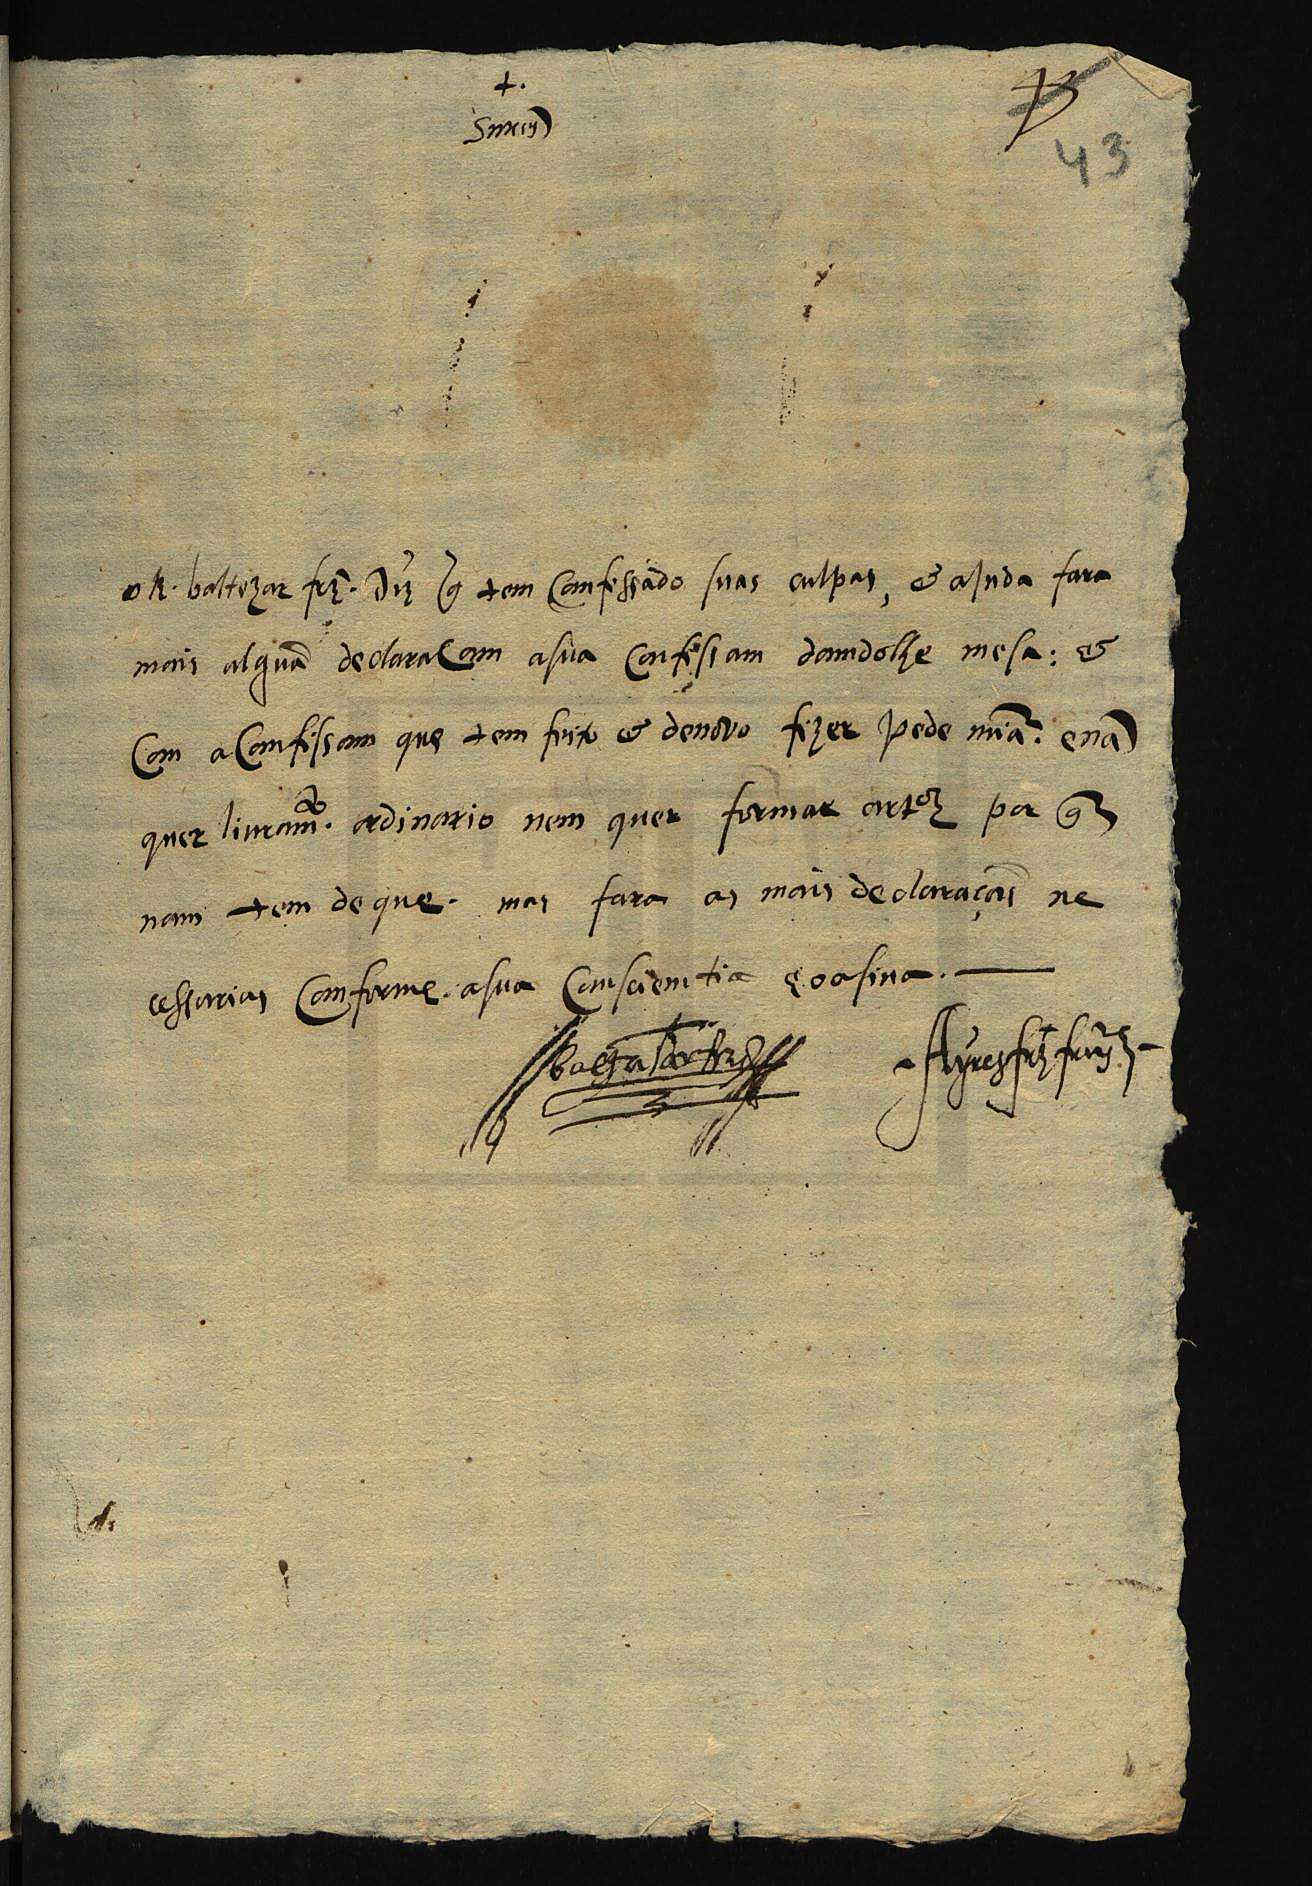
Snres̄
o R. baltezar frz̄. diz q̄ tem Comfessado suas culpas, & aJnda fara
mais alguā declaraCam a sua Confissam damdolhe mesa. &
Com a Comfissam que tem feito & de novo fizer pede mīa. e nā
quer liuramto. ordinario nem quer formar artos porq̄
nam tem de que. mas fara as mais declaraçoĩs ne
cessarias Comforme a sua Comsciemtia & o asina.
